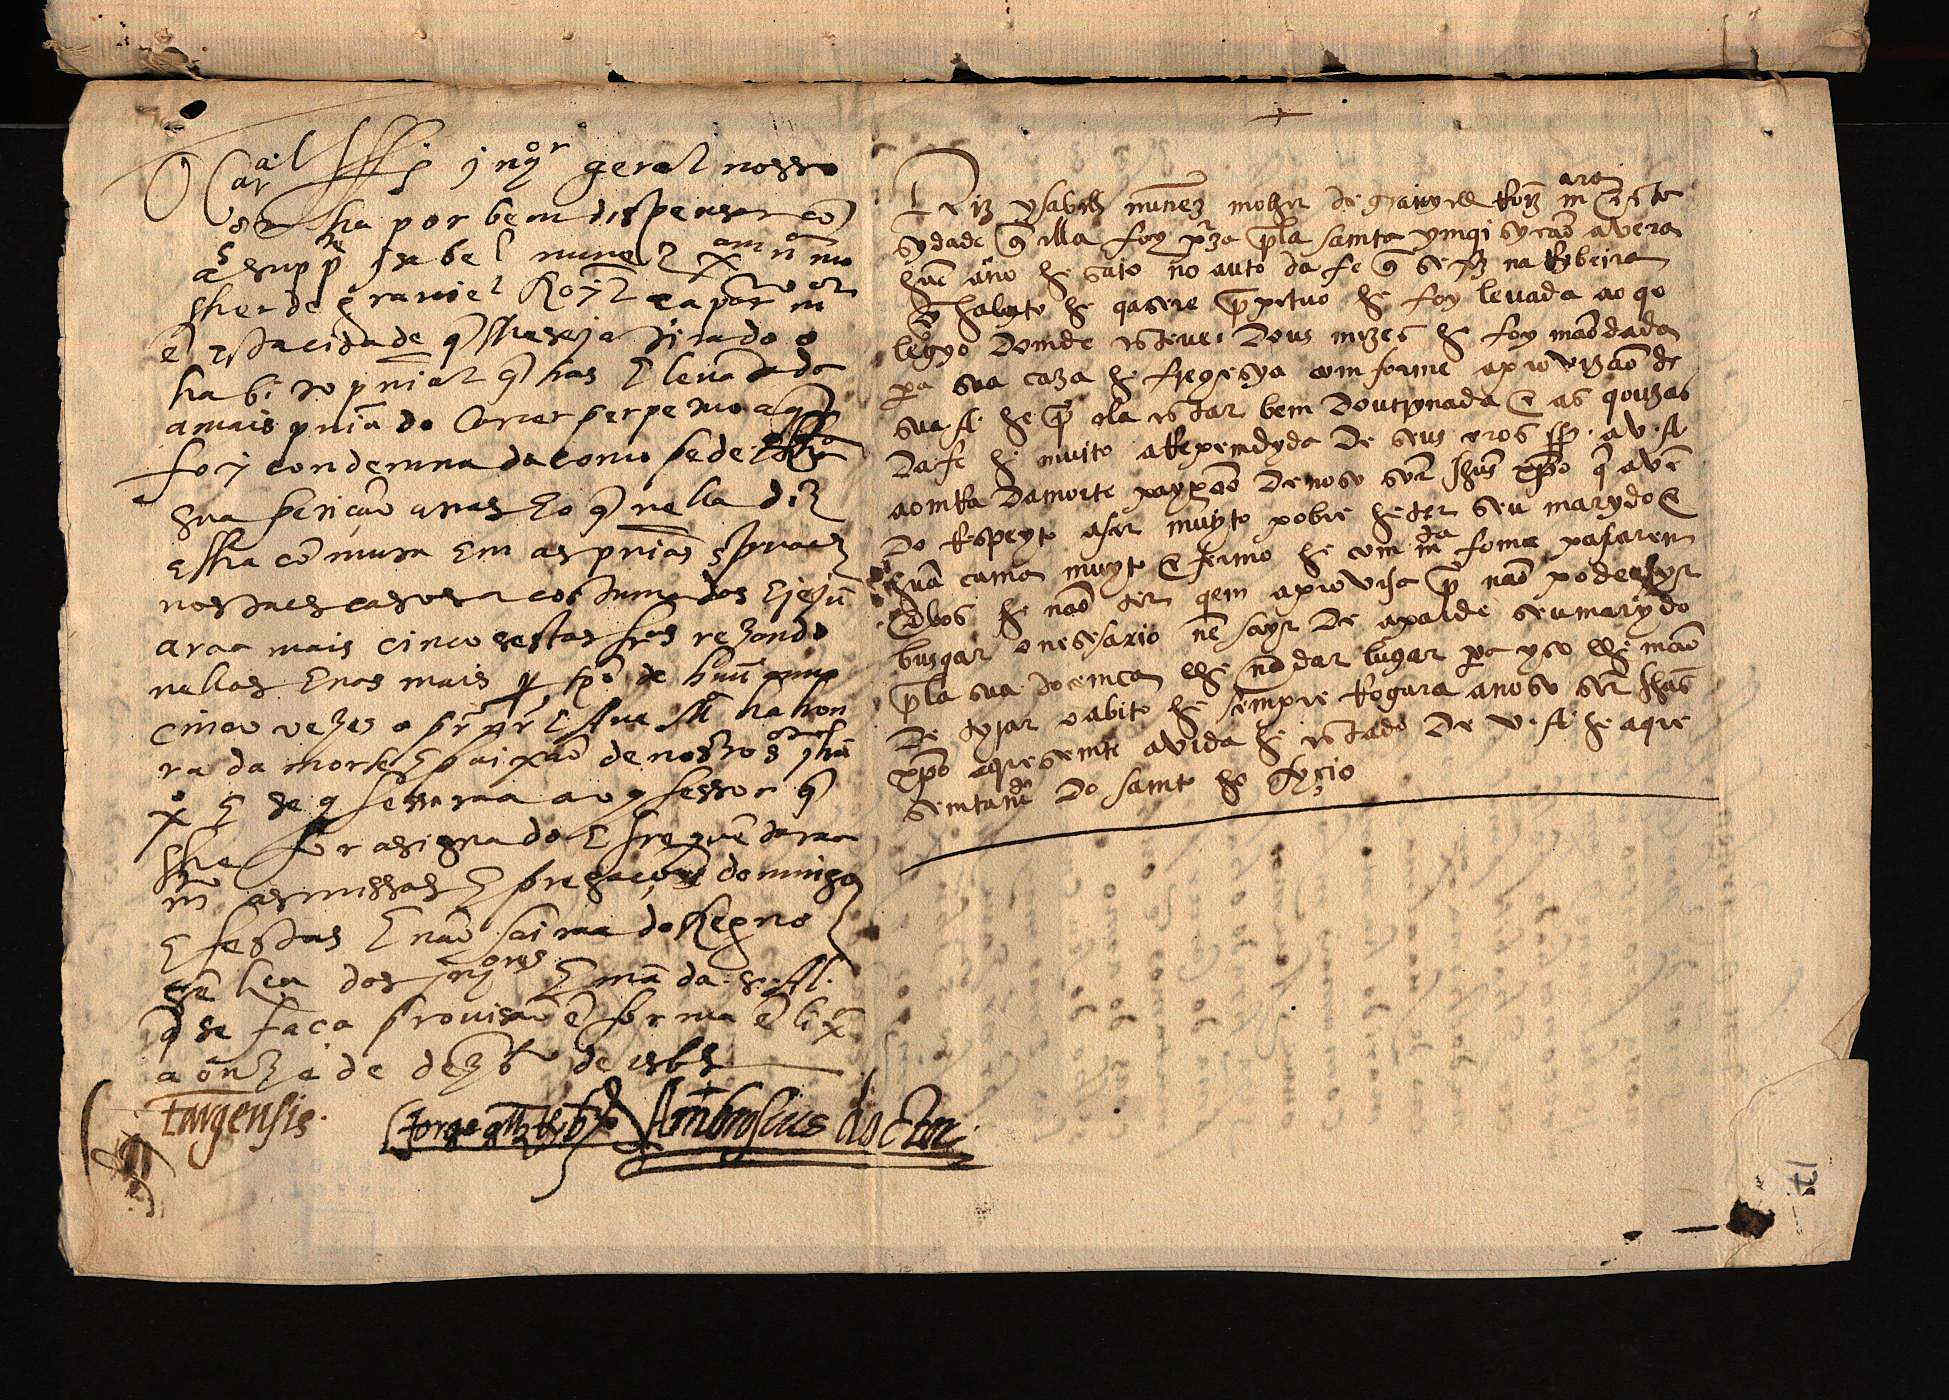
O Caral Jffꝭ jnqor geral nosso
sor ha por bem dispensar cō
a suppte jsabel nunez xam na mo
lher de grauiel Royz̄ çapatro mor
ē esta cidade q̄ lhe seja tirado o
habito pn̄iaL q̄ tras E leuātada
a mais pnīa do Carcer perpetuo a q̄
foy condemnada como pede E Vta
sua petição atras E o q̄ nella diz
E lha cōmuta Em as pnīas s̄pruaes
nos taes casos acostumados E jejū
araa mais cinco sestas fras rezando
nellas E nas mais ꝑ tpō de huū anno
cinco vezes o pr̄ nr̄ E Aue Ma ha hon
ra da morte E paixaõ de nostro sor jhū
Xo E se ꝯfessaraa ao ꝯfessor q̄
lhe for asignado E frequētaraa
mto as missas E pregações domingꝯ
e festas E naõ sairaa do Regno
sē Lça dos jnqores E māda .s. Al.
q̄ se faça prouisaõ ē forma ē lixa
a onze de dezbro de 1565
Diz ysabell nun̄ez molher de grauyell Roīz mores ē eta
sydade q̄ ella foy p̄za p̄la Samta ymqisycaõ avera
hū an̄o he saio no auto da fe q̄ se fez na Rybeira
cō habyto he qasere p̄petuo he foy leuada ao qo
legyo Domde esteue Dous mezes he foy maõdada
ꝑa sua caza he fregesya comforme a provizaõ de
sua .A. he p̄o ela estar bem Doutrynada ē as qouzas
da fe he muito aRepemdyda De seus eros pp. a V. A.
a omRa Da morte payxão De noso sor̄ Jhūs xp̄o q̄ aVē
Do Respeyto a ser muyto pobre he ter seu marydo ē
huā cama muyto ēfermo he com mta fome pasarem
ābos he não ter qem a proviJa p̄o não poder hyr
busquar o nesesario nē sayr De a par de seu marydo
p̄la sua doemca lhe nō dar lugar ꝑa yso lhe maõ
De tyrar o abito he sempre Rogara a noso sor̄ Jhūs
xp̄o aqresemte a vida he estado De V. A. he aqre
semtamto Do Samto hofyçio
